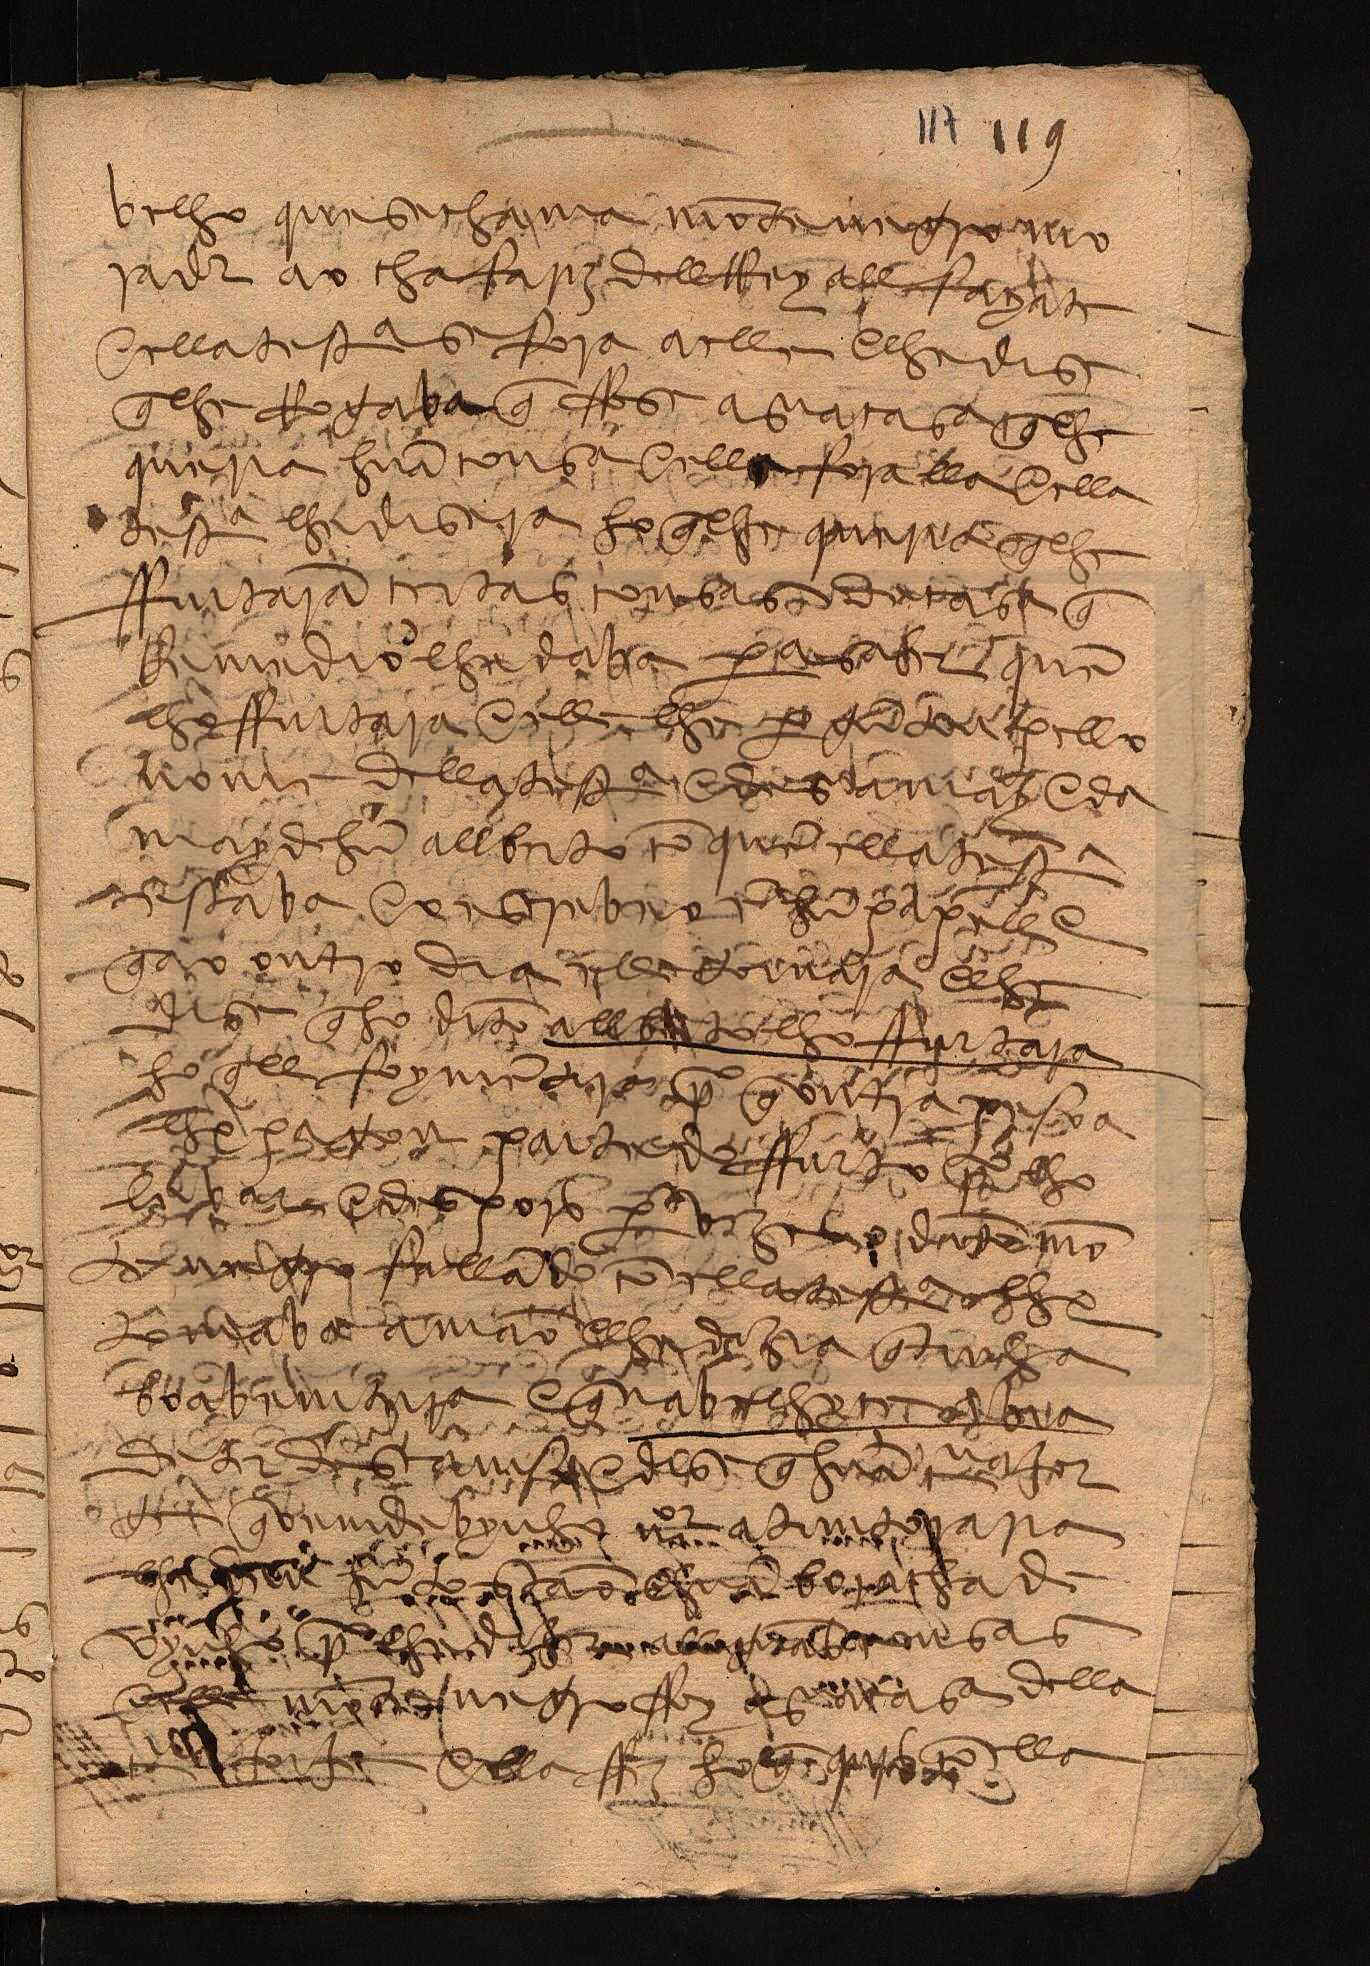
velho que se chama mōtenegro mo
rador ao chafariz dell Rey allfayate
e ella testa se fora a elle e lhe dise
q̄ lhe Rogava q̄ ffose a sua casa q̄ lhe
queria huā cousa e elle fora lla e ella
testa lhe disera ho q̄ lhe queria q̄ lhe
ffurtarā certas cousas de casa q̄
Remedio lhe dava ꝑa saber quē
lho ffurtara e elle lhe ꝑgūtou pello
nome della testa e de sua may e da
may de hū allberto cō quē ella testa
estava e o escreveo ē hū papell e
q̄ ao outro dia elle tornara e lhe
dise q̄ ho dito allberto lho ffurtara
ho q̄ll foy mētira p̄oq̄ outra pesoa
lhe pagou parte de ffurto p̄o lho
levar e despojs ꝑ vezes dito mō
tenegro fallādo cō ella testa lhe
tomava a mão e lhe dizia q̄ tinha
boa vemtura e q̄ na velhyce avia
de ter descamso e dise q̄ huā cna Jor
ge q̄ vemde vynho mor a timtoraria
lhe deu hū tostão e huā boracha de
vynho p̄o he dizer allgūas cousas
e elle mōtenegro foy a sua casa della
cna JorJe e lla ffez ho q̄ qujs cō ella
